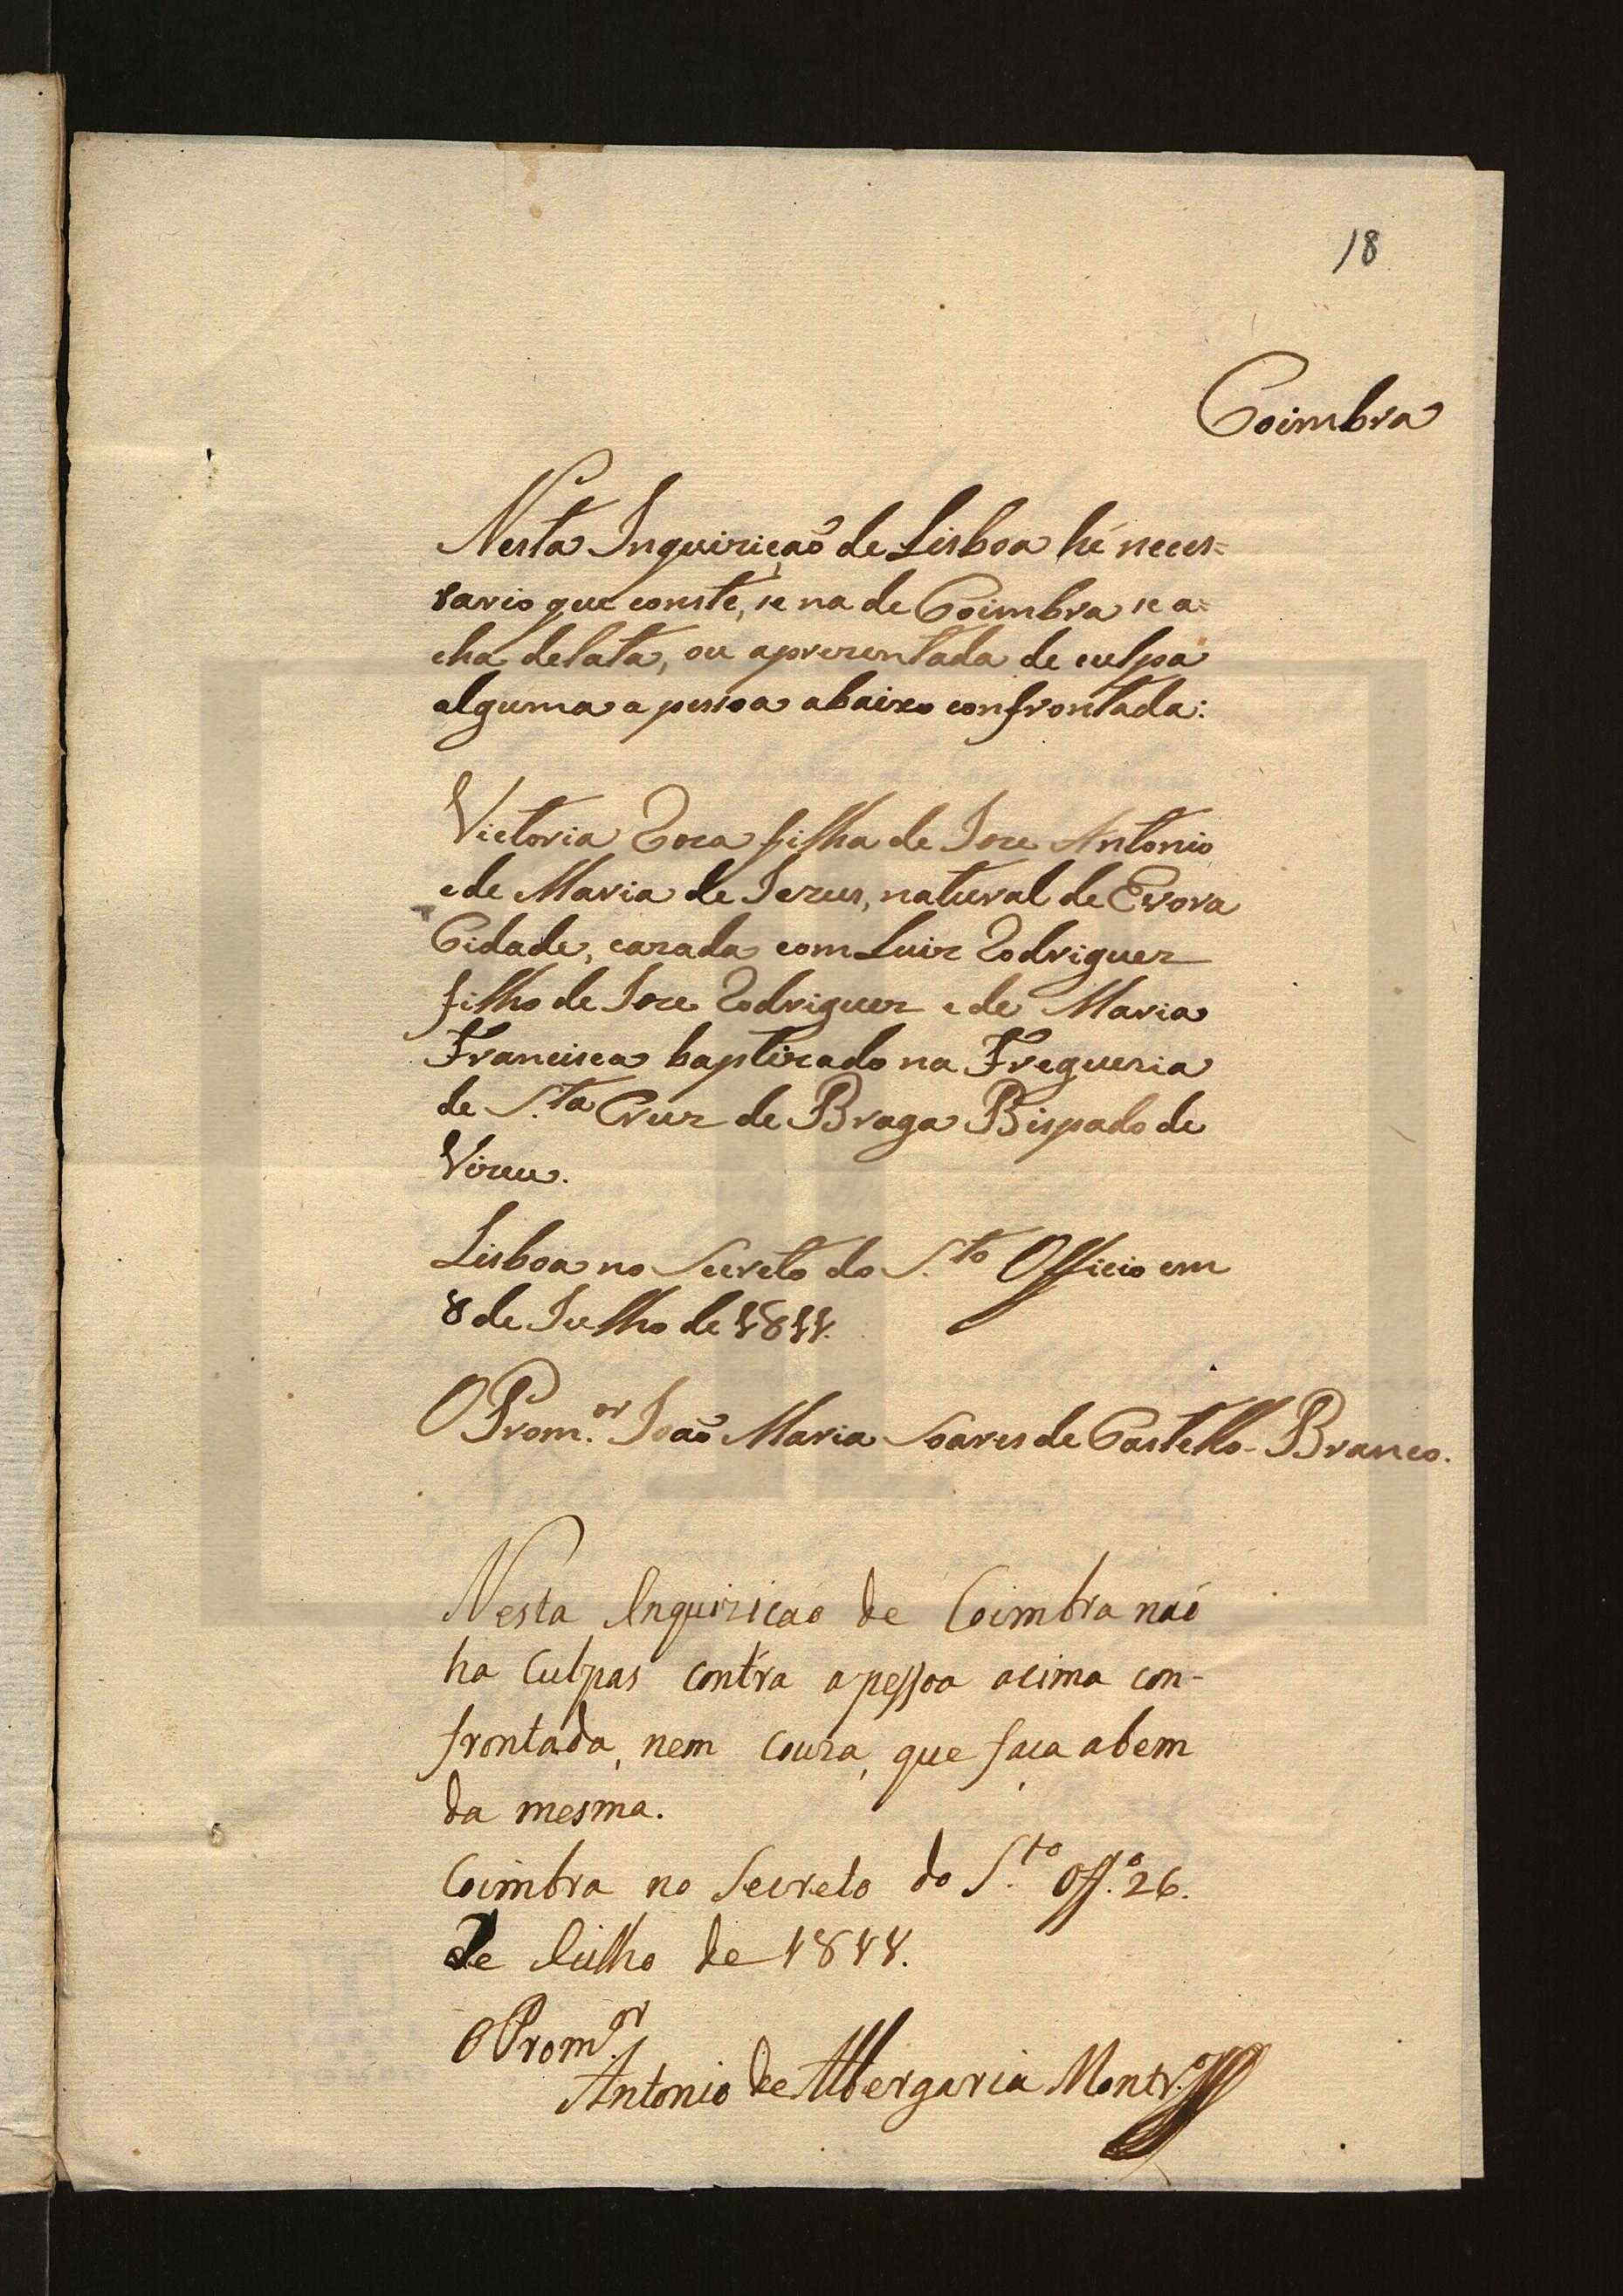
Coimbra
Nesta Inquiziçaõ de Lisboa hé neces
sario que conste, se na de Coimbra, se a
cha delata, ou aprezentada de culpa
alguma a pessoa abaixo confrontada:
Victoria Roza filha de Ioze Antonio
e de Maria de Iezus, natural de Evora
Cidade, cazada com Luiz Rodriguez
filho de Ioze Rodriguez, e de Maria
Francisca baptizado na Freguezia
de S.ta Cruz de Braga Bispado de
Vizeu.
Lisboa no Secreto do S.to Officio em
8 de Iulho de 1811.
O Prom.or Ioaõ Maria Soares de Castello-Branco.
Nesta Inquiziçaõ de Coimbra naõ
ha culpas contra a pessoa acima con
frontada, nem couza que faça a bem
da mesma.
Coimbra no Secreto do S.to off.o 26.
de Iulho de 1811.
O Prom.or
Antonio de Albergaria Montr.o
